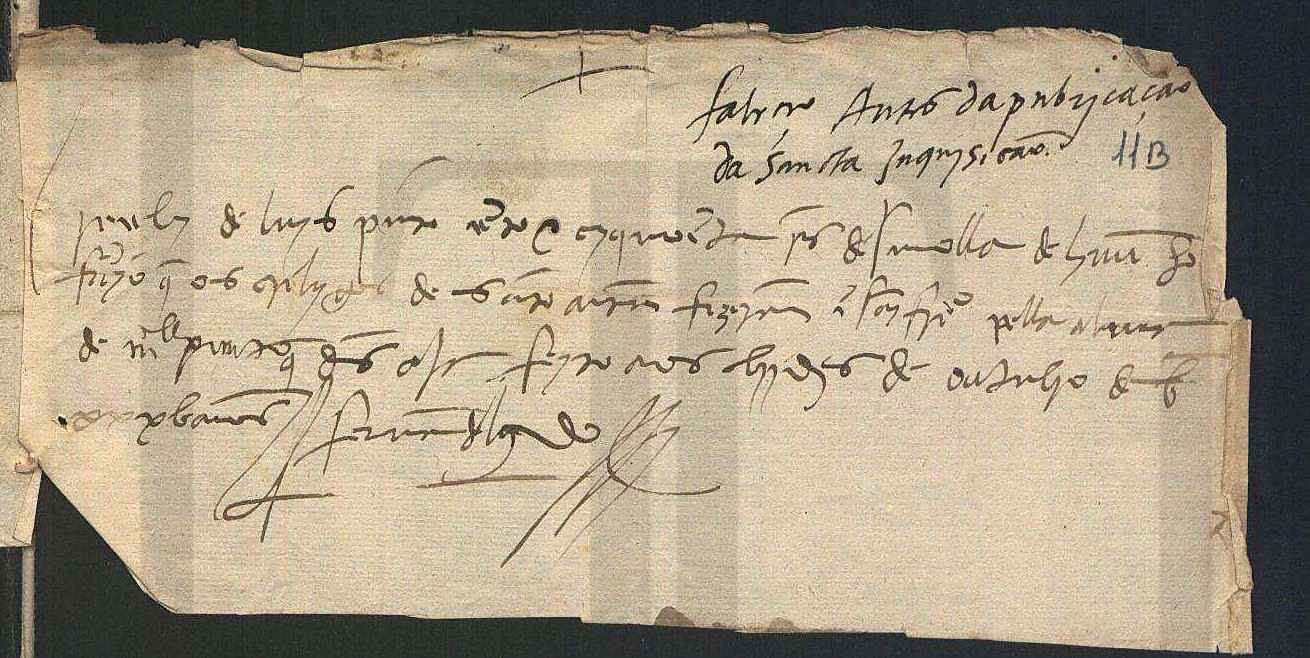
faleçeo Antes da prubrjcacao
da Sancta Jnqujsicão
reçeby de lujs pinto cēto e cyquoēta r̄s desmolla de huū ho
ficyo q̄ os crelygos de sāto antā dizeram ē san frco pella alma
de mell pimto q̄ ds̄ aJa fejto aos bj djas de outubro de b
xxx b an̄os /
fernā delgado
